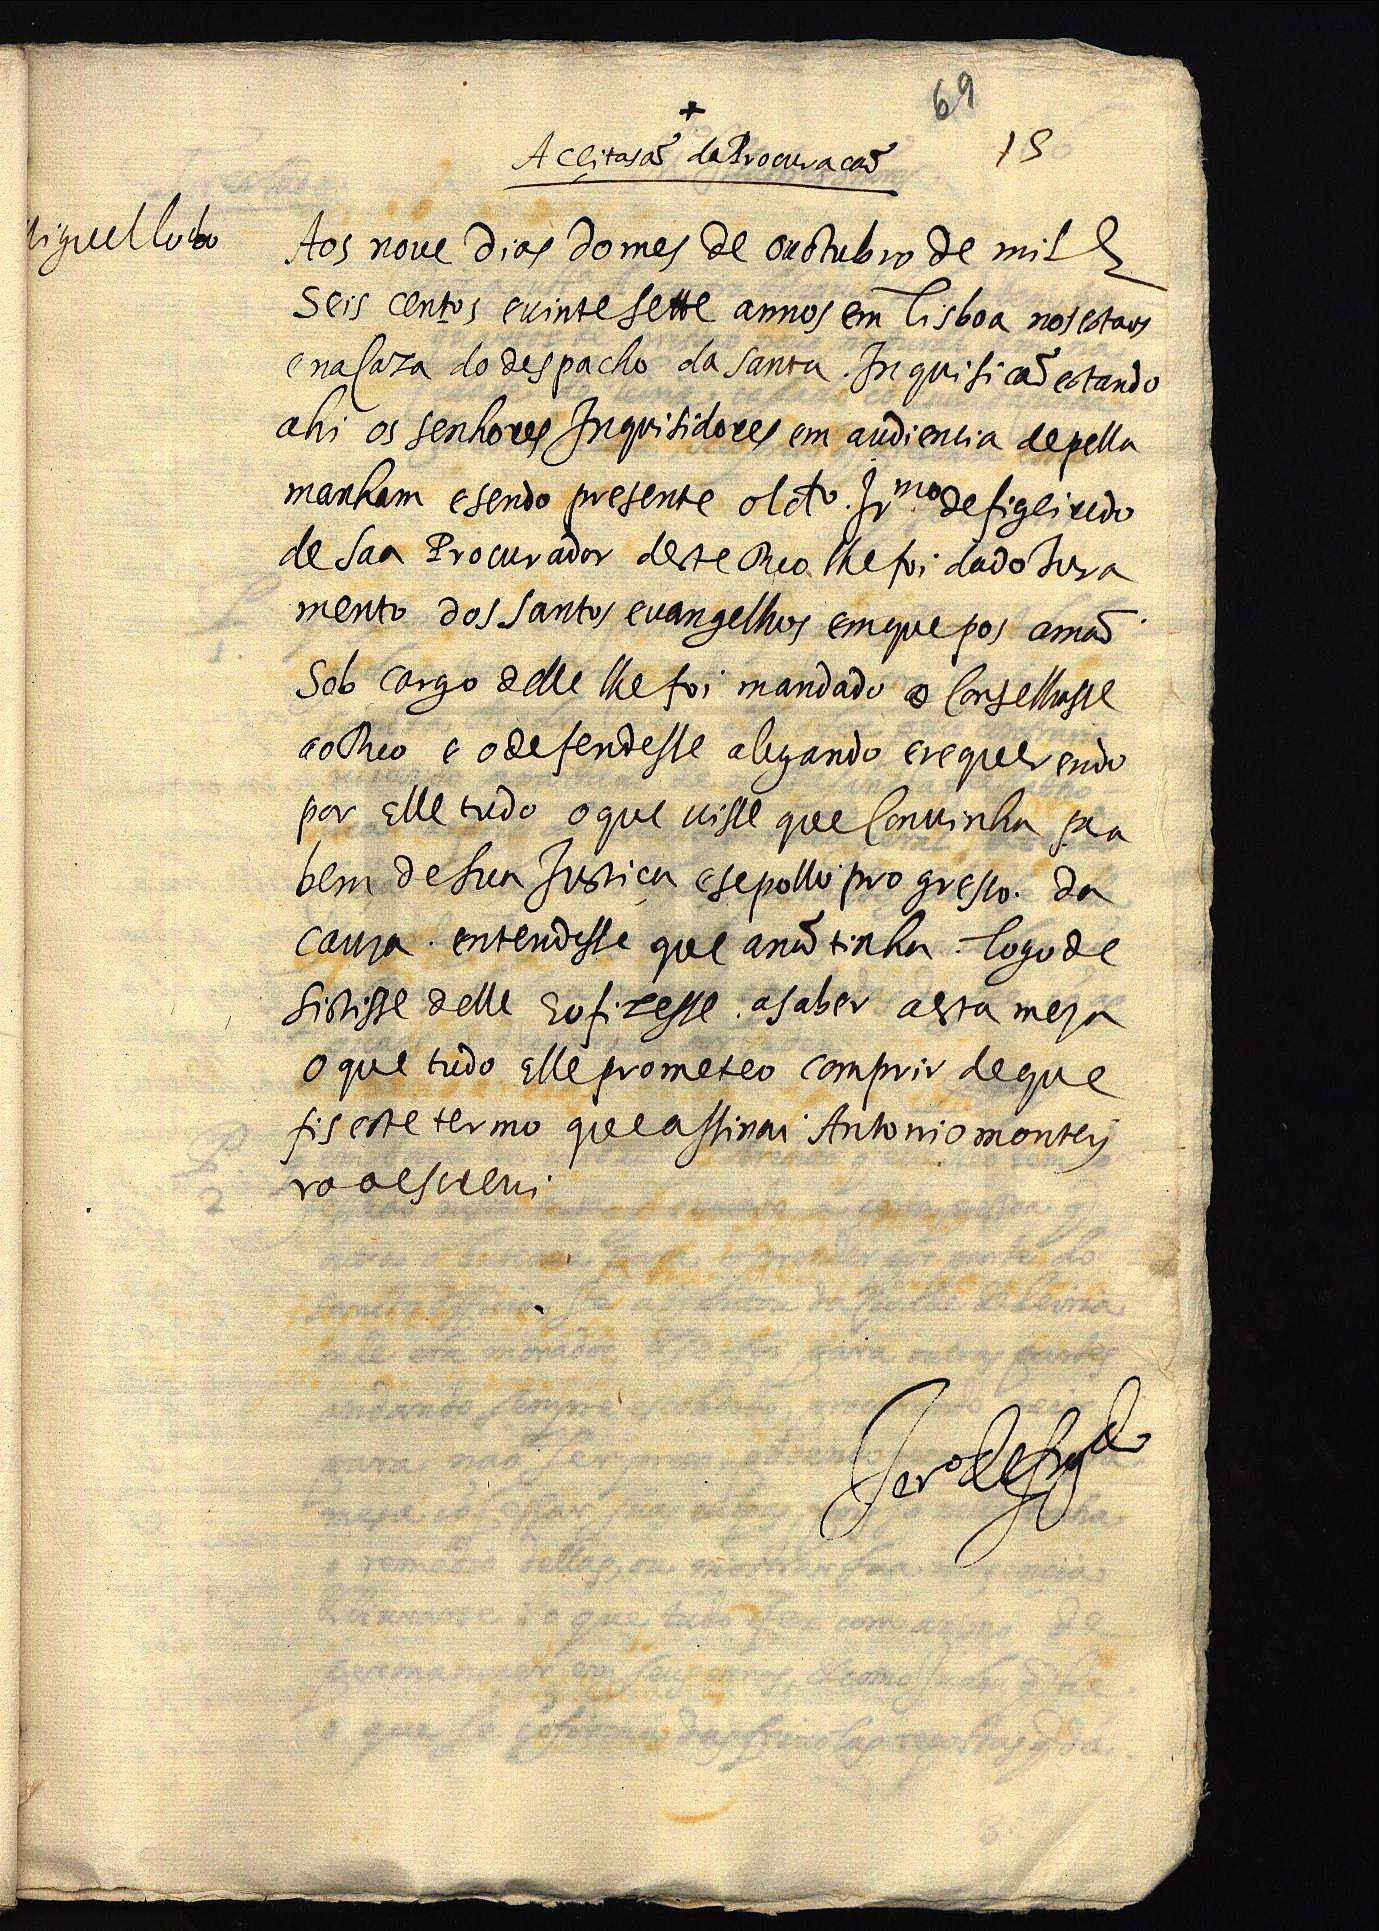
Aceitasaõ da Procuraçaõ
Miguel lobo Aos noue dias do mes de outubro de miL E
Seiscentos e uinte sette annos em lisboa nos estaos
en a Caza do despacho da santa Jnquisicaõ estando
ahi os senhores Jnquisidores em audiencia de pella
manham e sendo presente o ldo. Jrm.o de figeiredo
de Saa Procurador deste Reo lhe foi dado Iura
mento dos Santos euangelhos em que pos a maõ
Sob cargo delle lhe foi mandado o Conselhasse
ao Reo e o defendesse alegando e requerendo
por Elle tudo o que uisse que Conuinha pa
bem de sua Justiça e se pollo progresso. da
cauza entendesse que a naõ tinha. logo de
sistisse delle E o fizesse a saber a esta meza
o que tudo Elle prometeo comprir de que
fis este termo que assinou Antonio montey
ro o escreui
